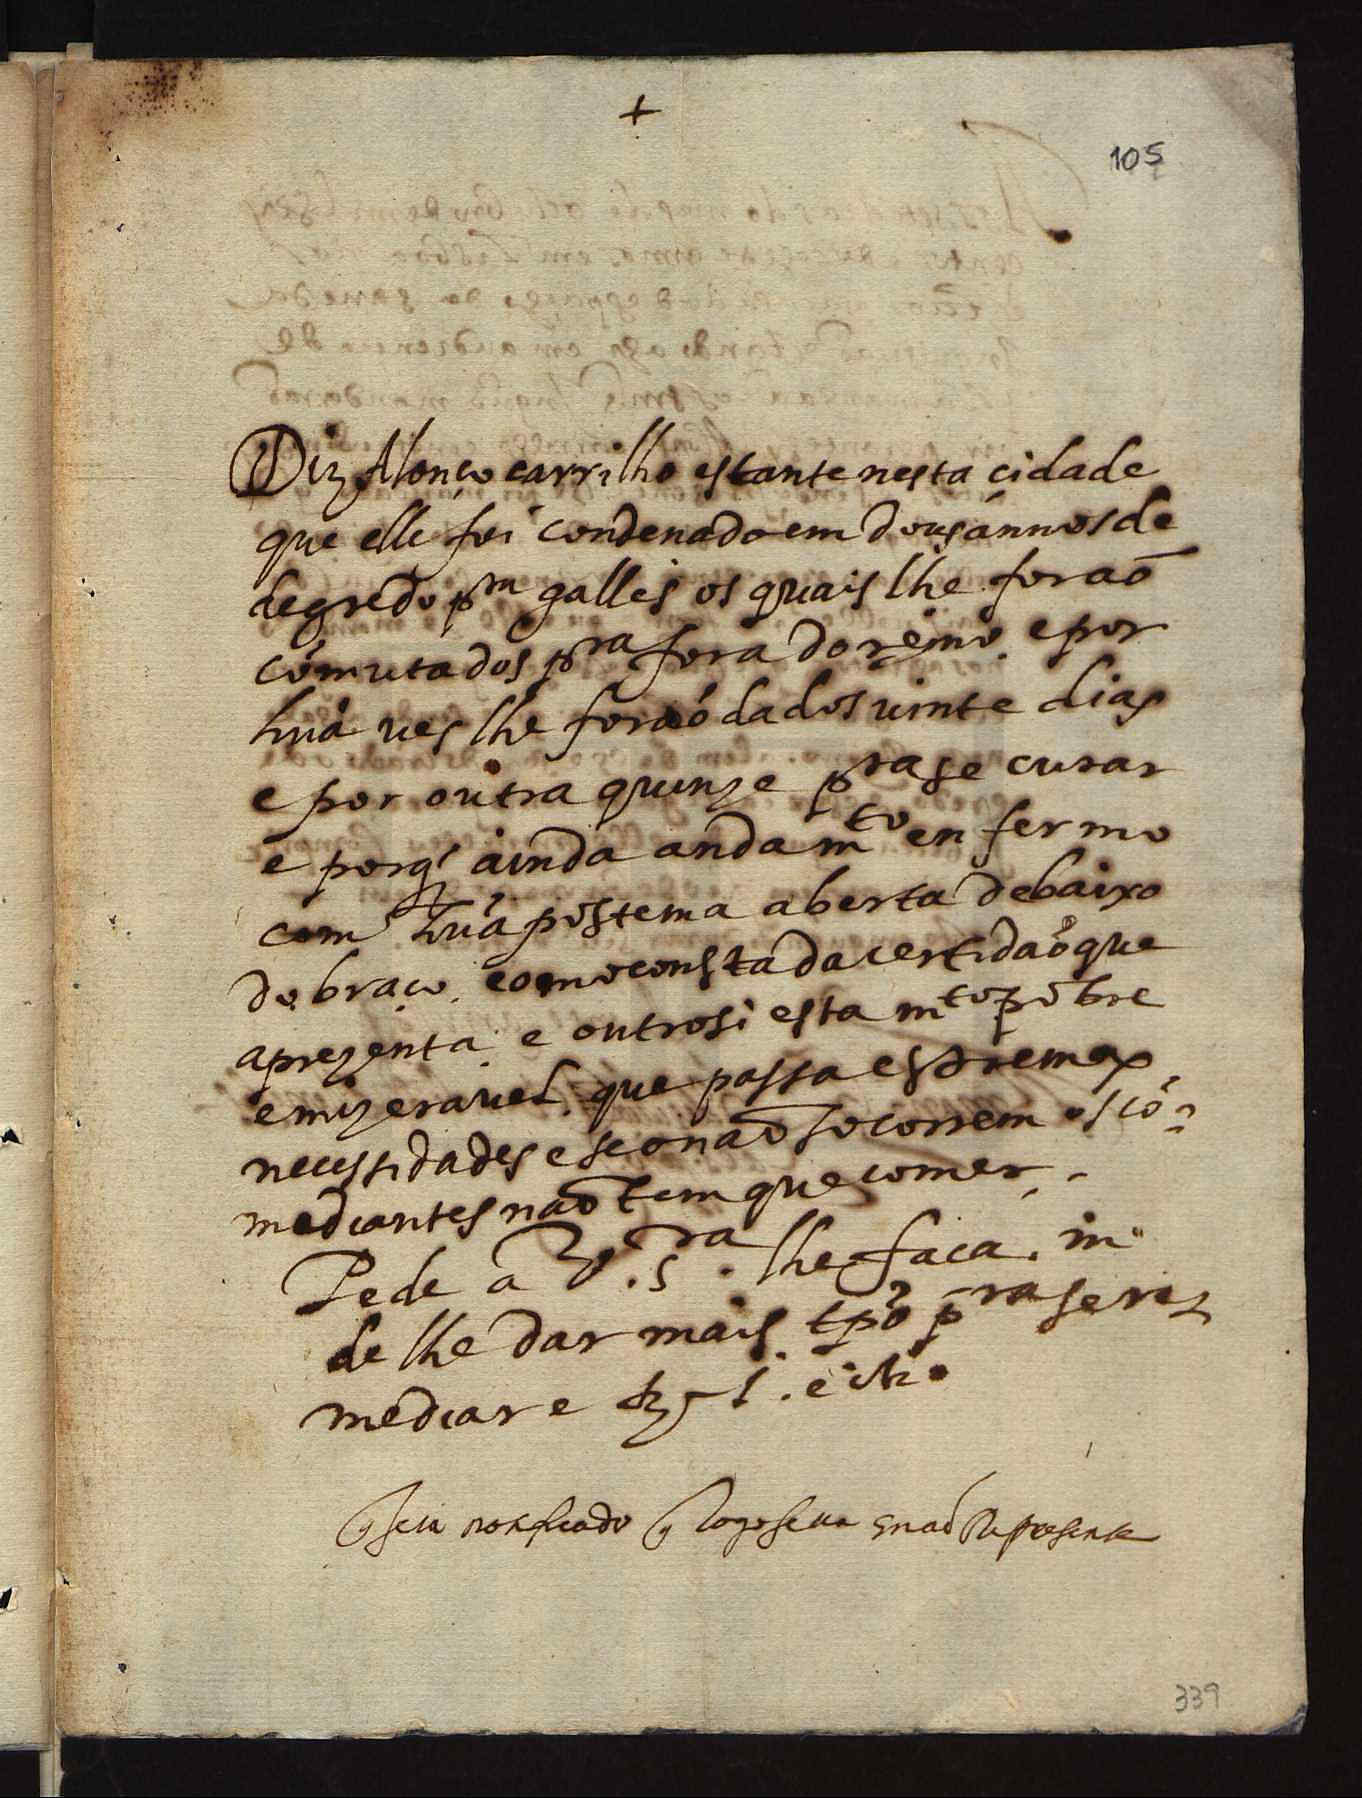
Diz Alonço carrilho estante nesta cidade
que elle foi condenado em dous annos de
segredo pra galles os quais lhe foraõ
cōmutados pra fora do rejno, e por
huā ues lhe forão dados uinte dias
e por outra quinze pra se curar
e porq̄ ainda anda mto enfermo
com huā postema aberta debaixo
do braço, como consta da certidaõ que
aprezenta, e outrosi esta mto pobre
e mizerauel, que passa estremas
necessidades e se o naõ socorrem os cō
mediantes naõ tem que comer
Pede a V. Sra. lhe faça m̄
de lhe dar mais tpō pra se re
mediar e R. I. e .M.
q̄ seia noteficado q̄ logo se ua E naõ Represente
